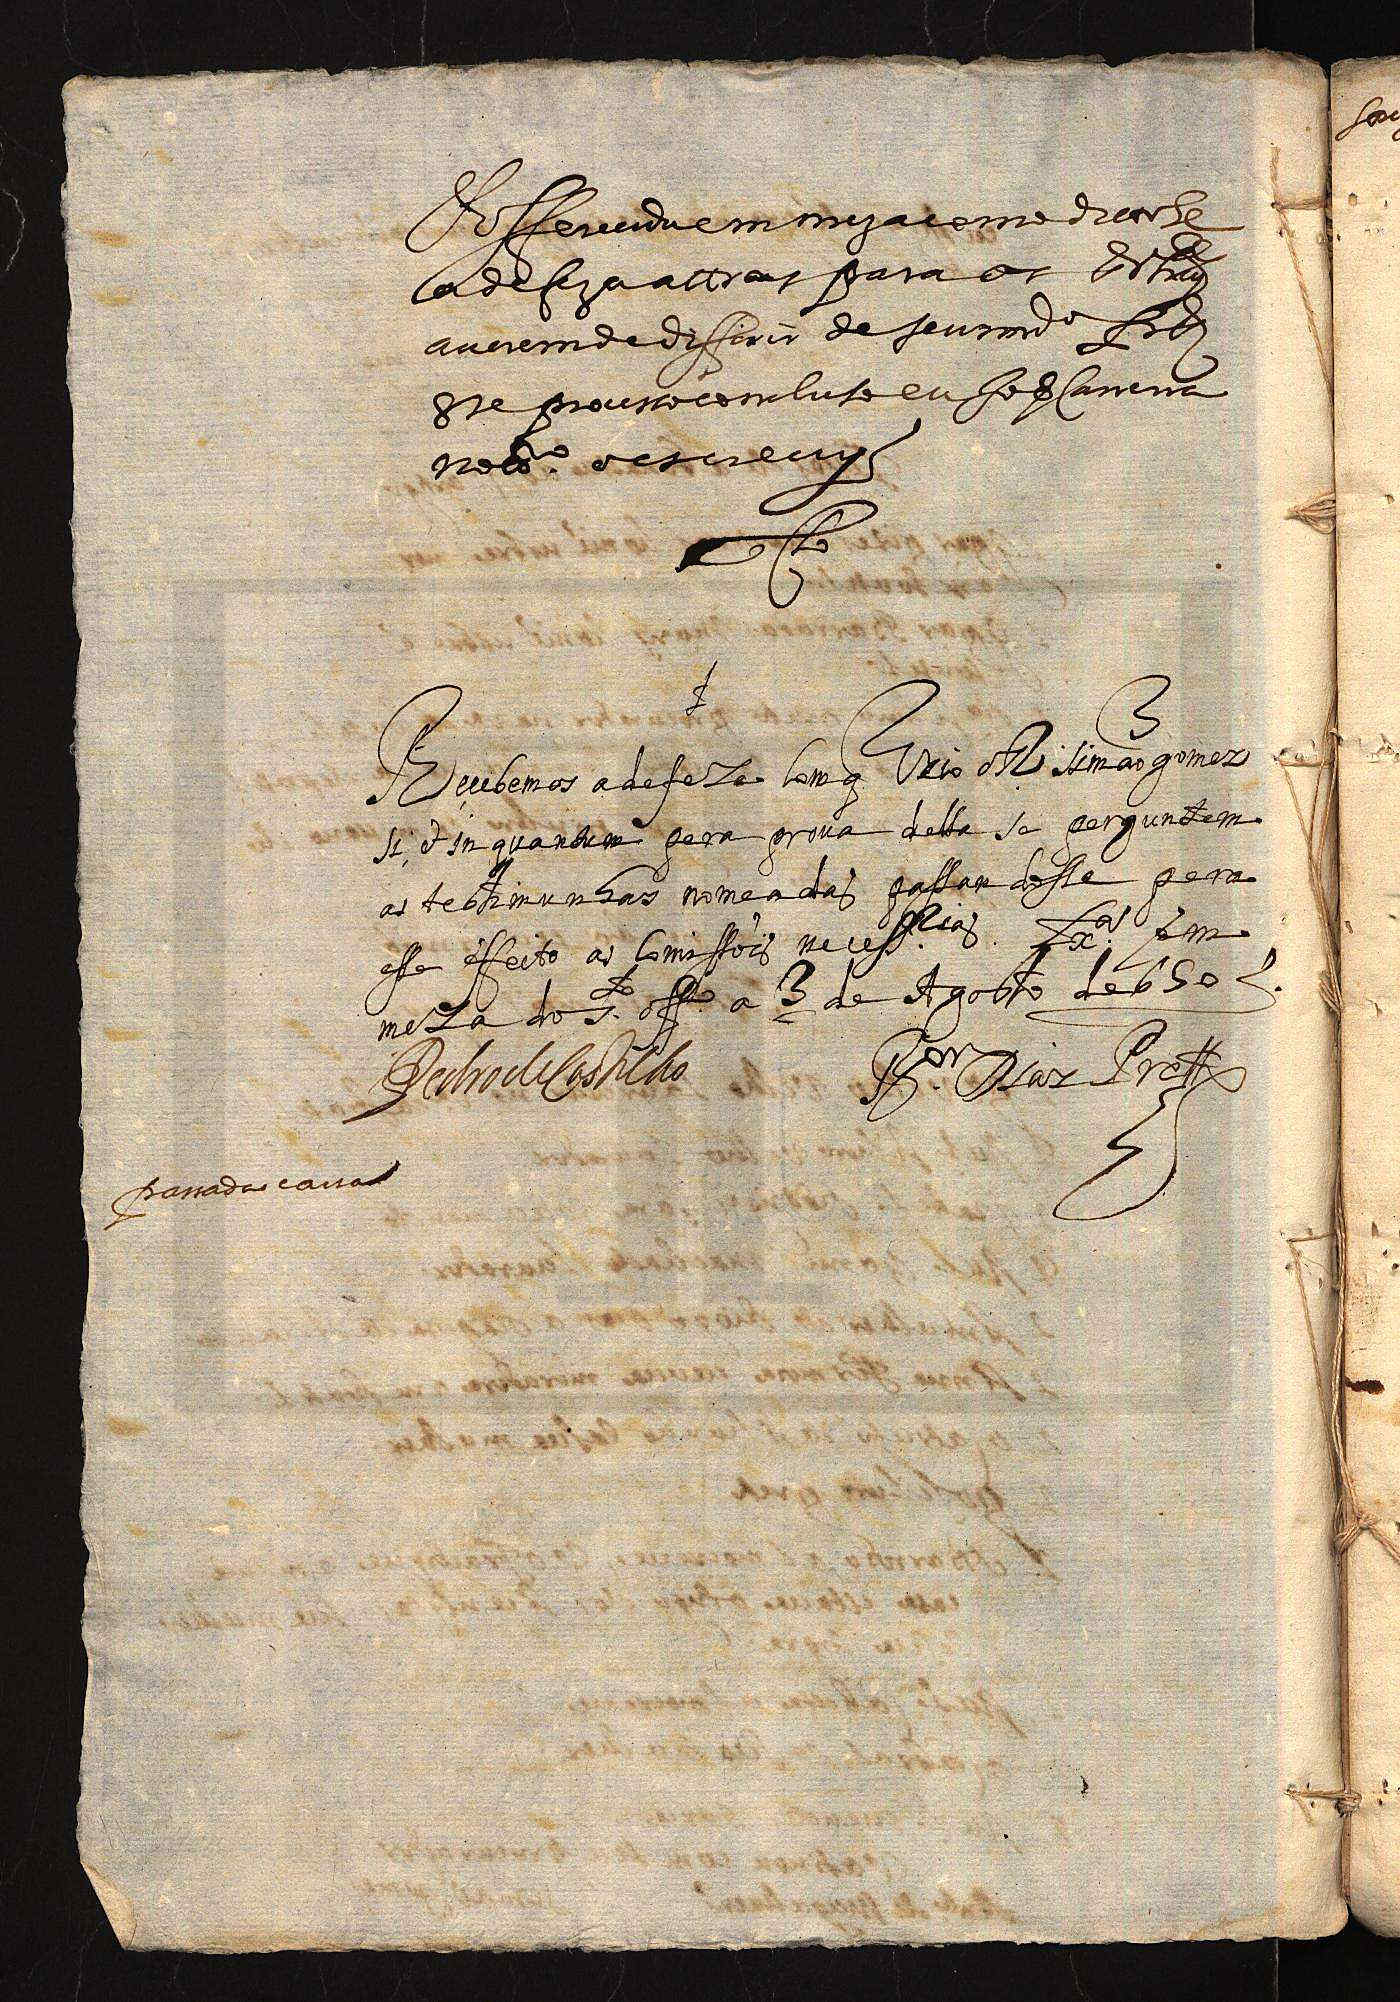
& offerecida em meza como dicto he
a defeza attras para os s̄res Inq̄res
auerem de differir de seu mdo fiz
este processo concluso eu Joaõ Carreira
notro. o escreuy
Clo
Reçebemos a defeza Com q̄ Veio o R Simaõ gomez
si, et in quantum pera proua della se perguntem
as testimunhas nomeadas passandosse pera
esse effeito as comissoĩs necess.rias Lxa. em
meza do s.to offo a 3 de Agosto de 650
passada carta
